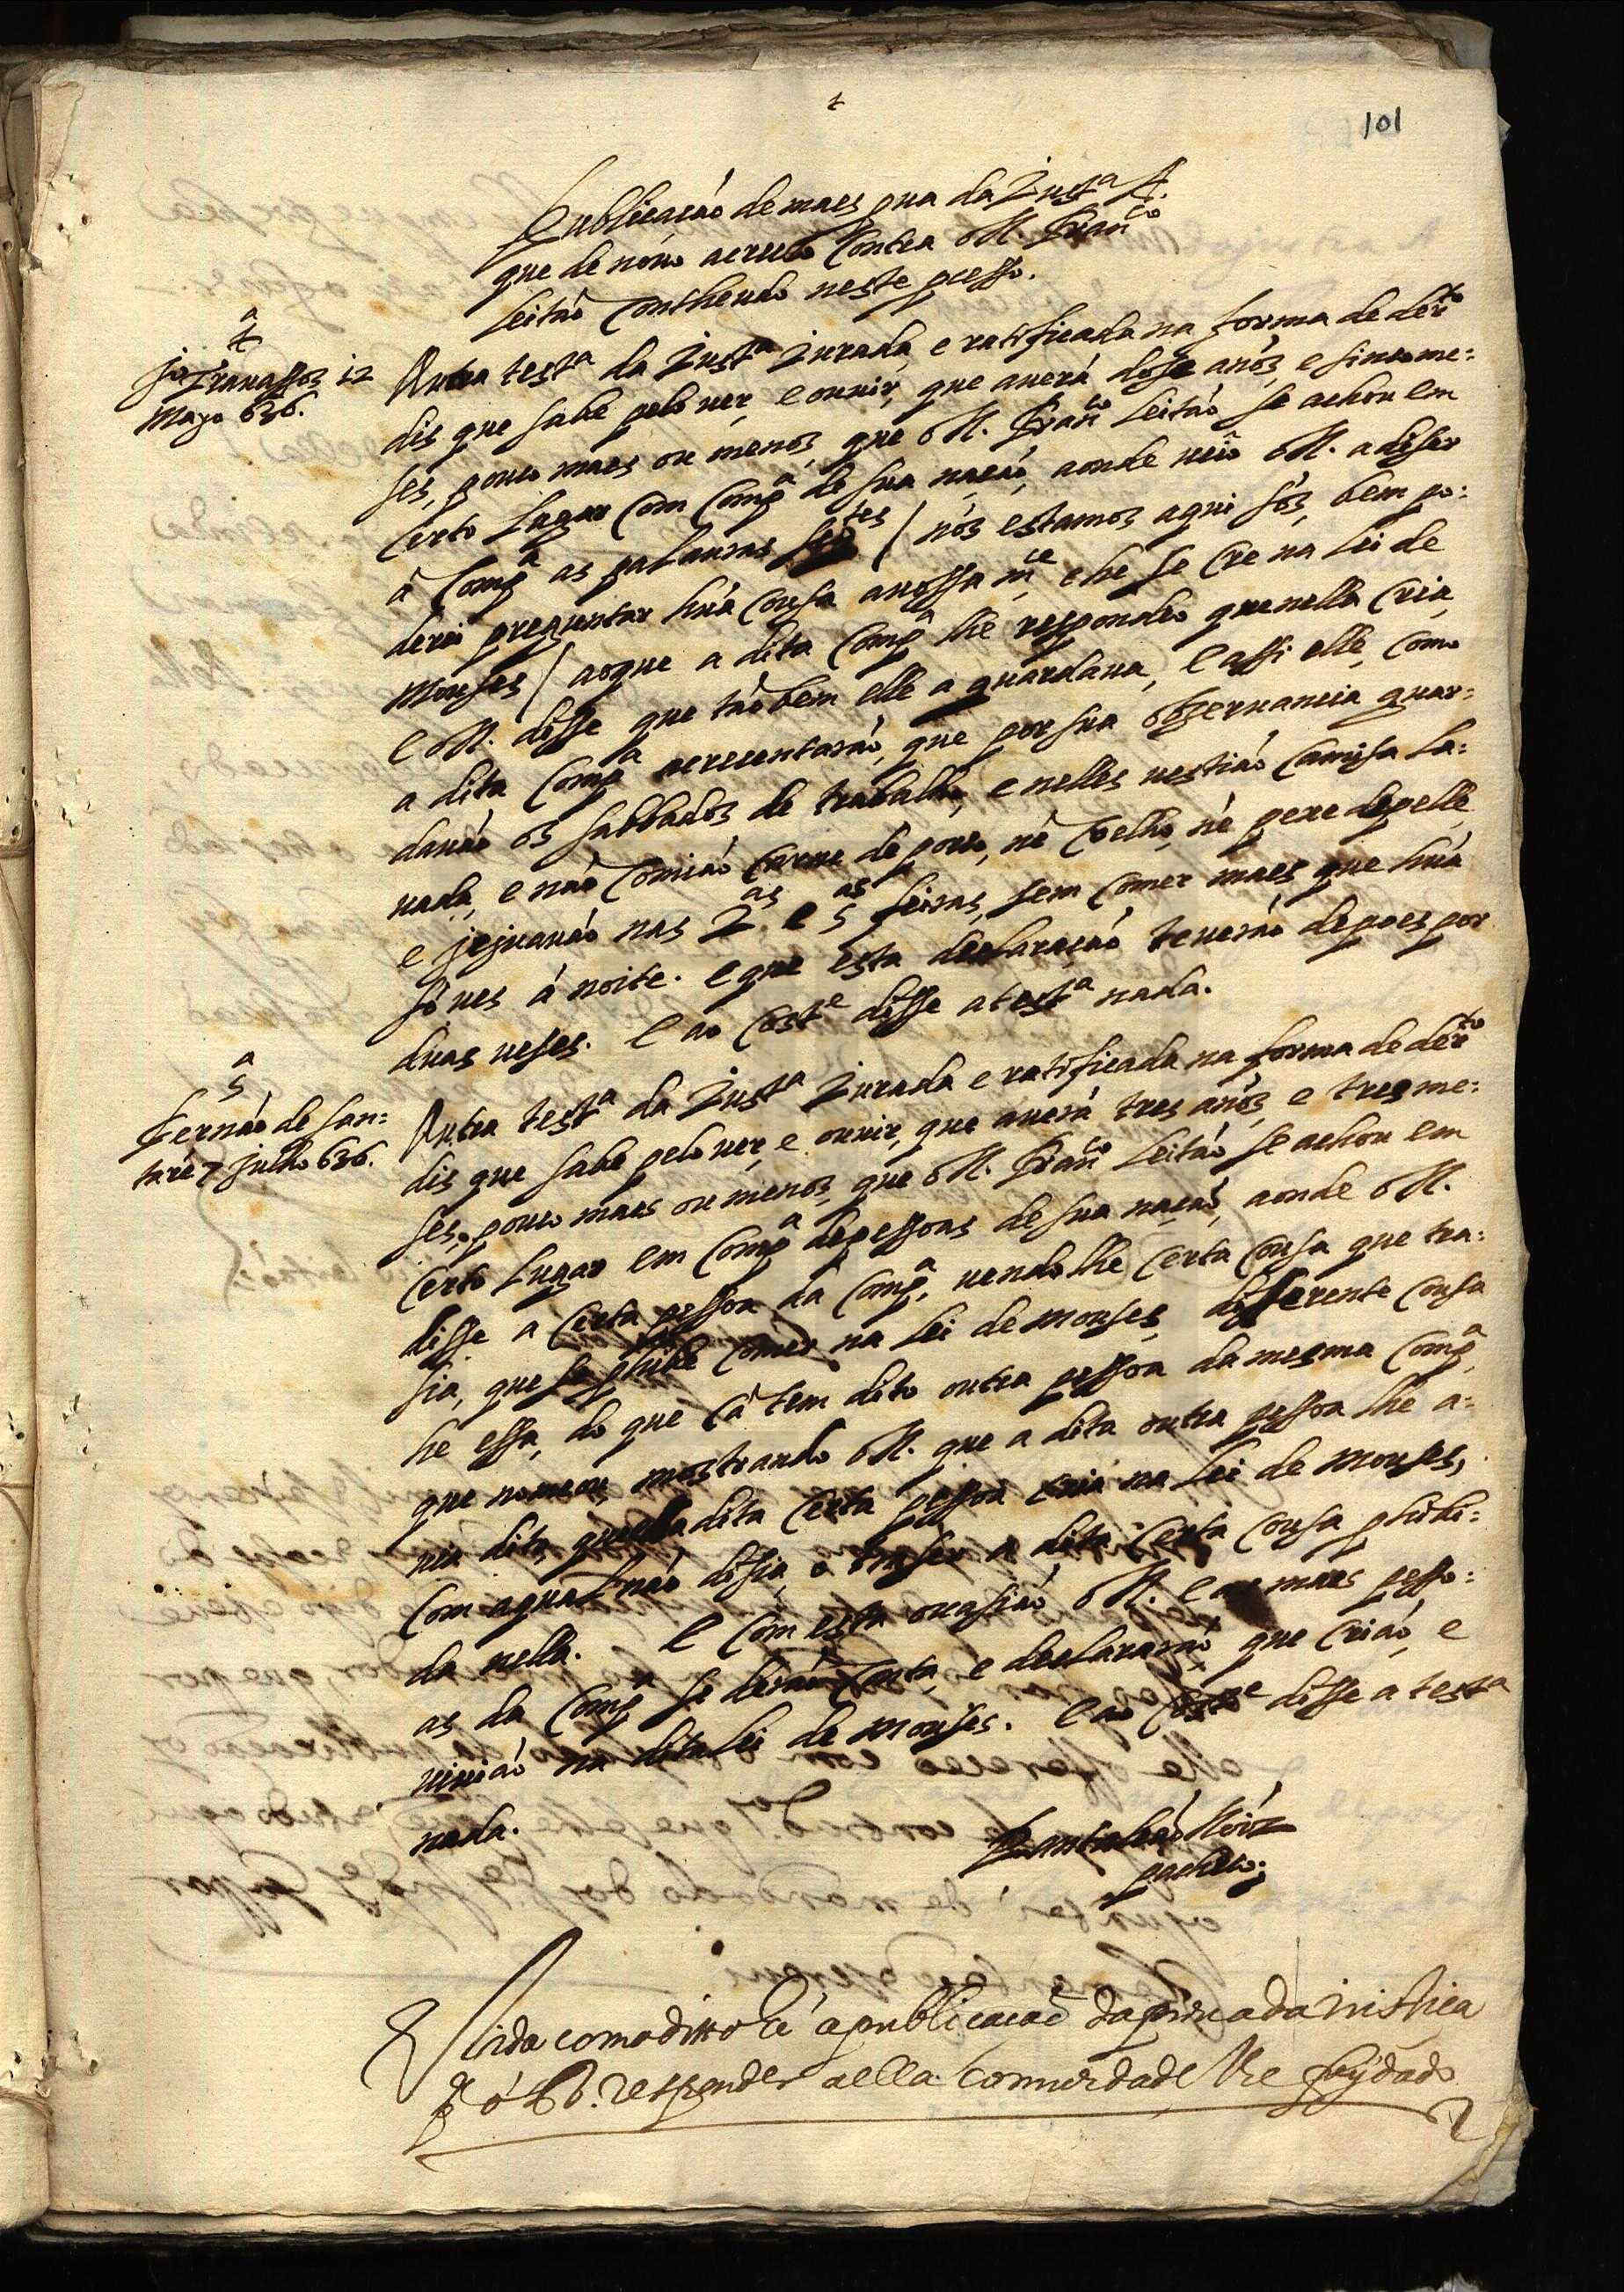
4a
Jo Trauassos i2
mayo 636.
5a
fernaõ de san
tarē 7 Julho 636.
Publicação de maes ꝓua da Iust.a A.
que de nouo acreceo Contra o R. Franco
Leitaõ Contheudo neste ꝓcesso.
Outra testa da Iusta Iurada, e ratificada na forma de derto
dis que sabe pelo uer, e ouuir, que auerá dose anōs, e sinco me
ses, pouco mais ou menos, que o R. Franco Leitaõ se achou em
Certo Lugar Com Compa de sua naçaõ, aonde ueio o R. a diser
á Compa as palauras segtes / nós estamos aqui sós, bem po
derao preguntar huā cousa a uossa mce, e he se cre na Lei de
mouses / ao que a dita Compa lhe respondeo que nella cria,
e o R. disse que taõbem elle a guardaua, E assi elle, como
a ditta Compa acrecentaraõ, que por sua obzeruancia guar
dauaõ os sabbados de trabalho, e nelles uestiaõ Camisa La
uada, e naõ Comiaõ Carne de porco, nē Coelho, nē pexe de pelle,
e jejuauão nas 2as e 5as feiras, sem Comer maes que huā
só ues á noite. e que esta declaraçaõ teuerão depoes por
duas ueses. E ao Coste disse a testa nada.
Outra testa da Iusta Iurada e ratificada na forma de derto
dis que sabe pelo uer, e ouuir, que auerá tres anōs, e tres me
ses, pouco mais ou menos, que o R. Franco Leitaõ se achou em
Certo Lugar em Compa de pessoas de sua naçaõ, aonde o R.
disse a Certa pessoa da Compa, uendolhe Certa Cousa que tra
sia, que se ꝓhibe Comer na lei de mouses, diferente Cousa
he essa, do que cá tem dito outra pessoa da mesma Compa,
que nomeou, mostrando o R. que a dita outra pessoa lhe a
uia dito, que ella dita Certa pessoa cria na Lei de mouses,
Com a qual naõ disia, o traser a dita Certa Cousa ꝓhibi
da nella. E Com esta occasiaõ o R. e as maes pesso
as da Compa se deraõ Conta, e declararaõ, que criaõ, e
uiuiaõ na dita lei de mouses. e ao Coste disse a testa
nada.
E lida como ditto hé a publicaçaõ da proua da iustiça
pa o R. responder a ella com uerdade, lhe foy dado
